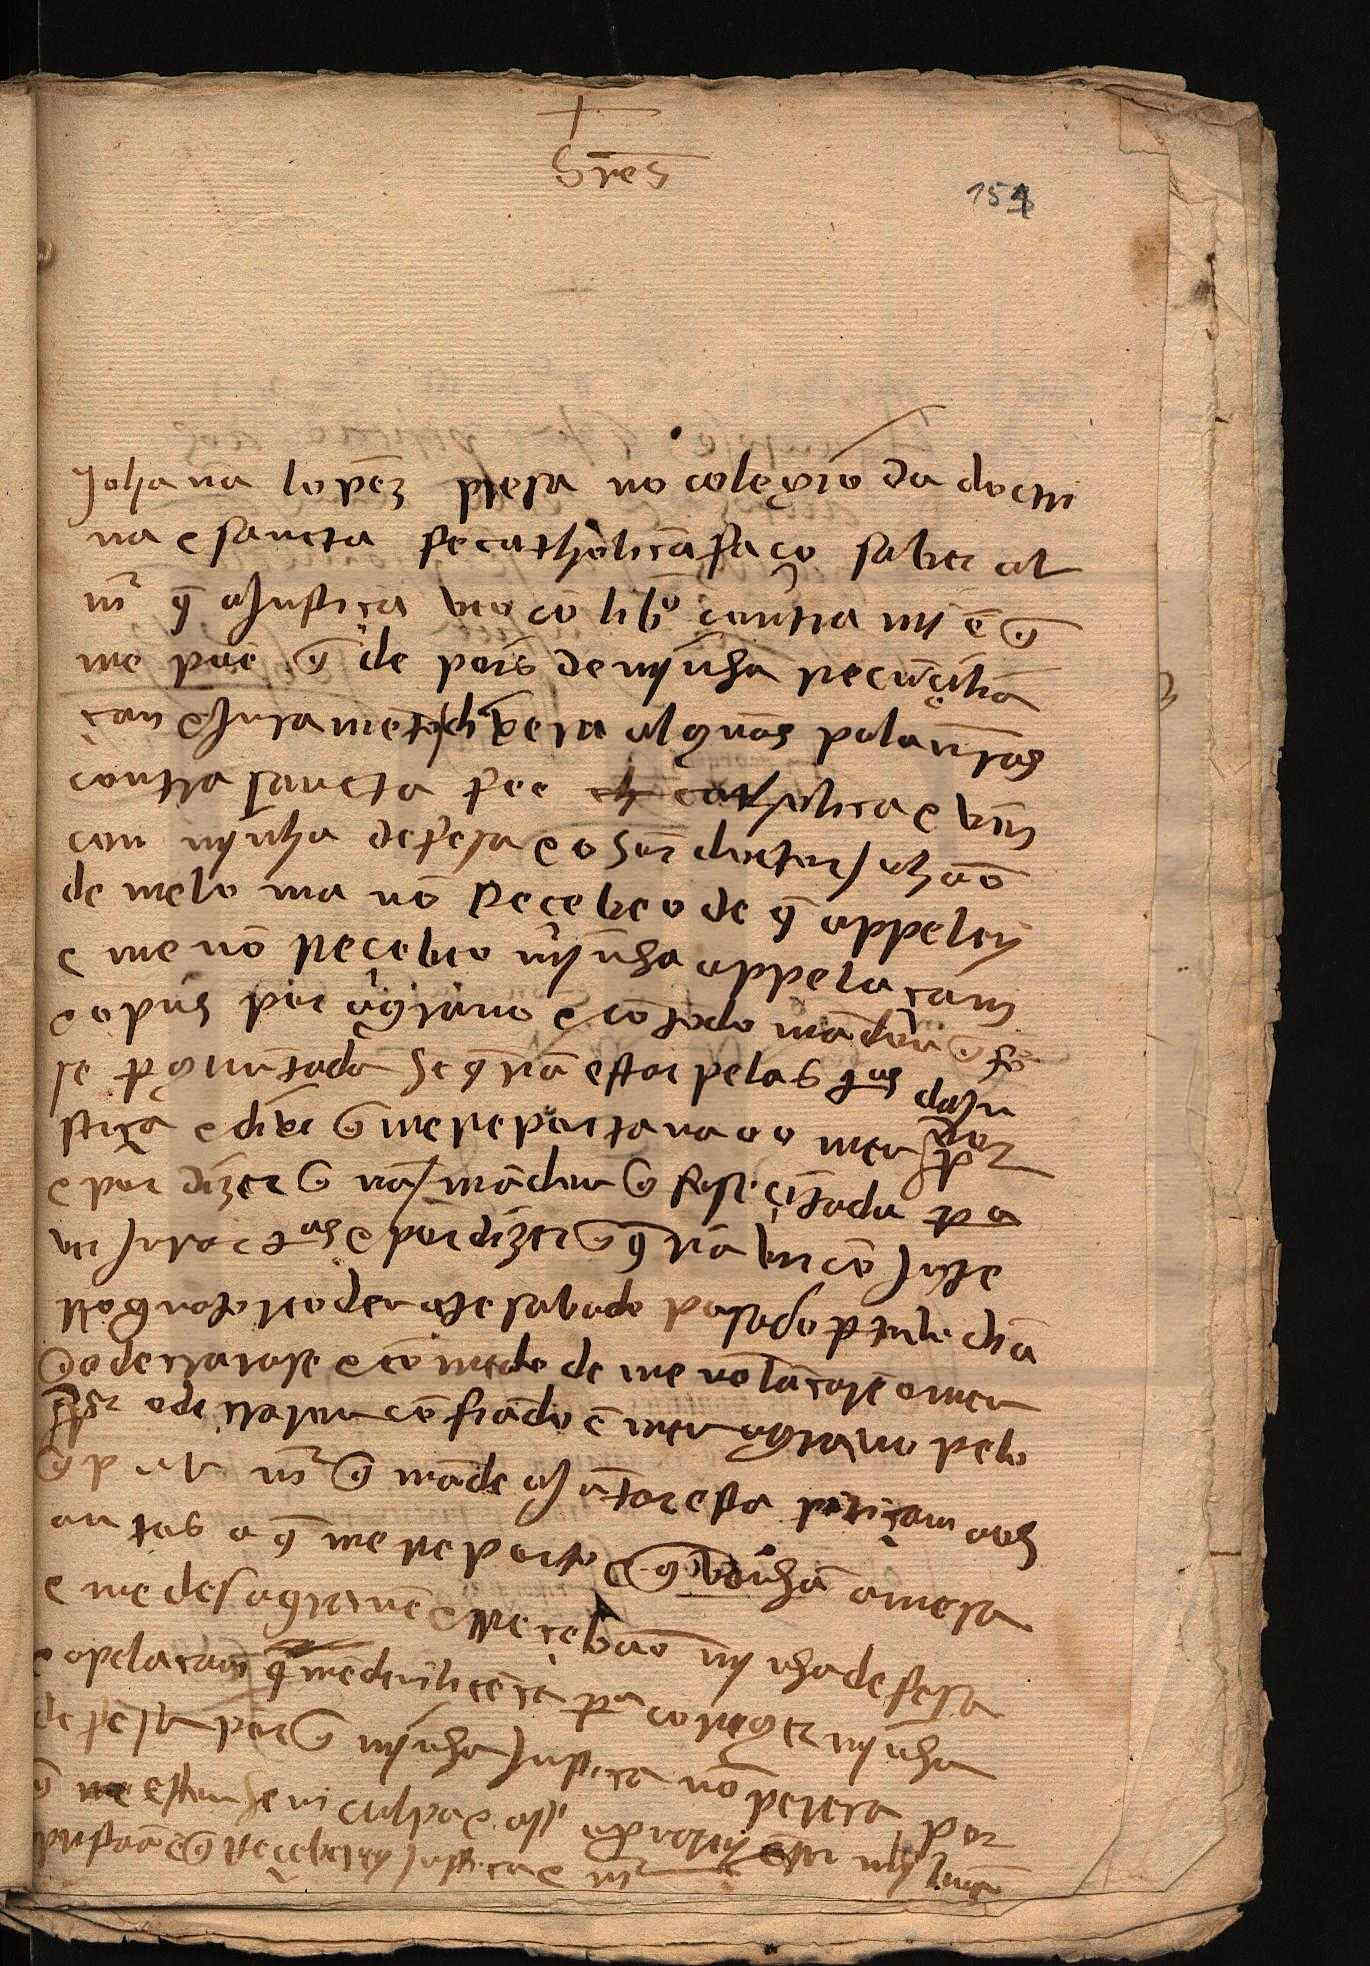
Sr̄es
Johana lopez presa no colegio da doctri
na e sancta fe catholica faço saber a V
mr q̄ a Justiça veo cō libo contra mj ē q̄
me poẽ q̄ depois de mjnha recūcilia
çam e Juramēto dixera algūas palauras
contra sancta fee ch catholica e vim
com mjnha defesa e o Sōr doctor Johão
de melo ma nō Recebeo de q̄ appeley
e me nō recebeo mjnha appelaçam
e o pus per agrauo e cō todo mādou q̄ fo
se ꝑguntada se q̄ria estar pelas tas da Ju
stiça e dixe q̄ me reportaua oo meu ꝓdor
e por dizer q̄ nā / mādou q̄ fose citada ꝑa
ver Jurar tas e por dizer q̄ q̄ria vir c̄o Jnte
rroguatorio deu ate sabado pasado ꝑ todo dia
q̄ o decrarase e cō medo de me nō lāçarē o meu
ꝓꝓdor o decrarou e cōfiādo ē meu agrauo pelo
q̄ p a V mr q̄ māde aJūtar esta pitiçam aos
autos a q̄ me reporto e q̄ venhā a mesa
e me desagrauē e rrecebão mjnha defesa
e apelaçam q̄ me dem licēça ꝑa coreger mjnha
defesa por q̄ mjnha Justiça nō pereça por
q̄ me estou sem culpa e assi o ꝓuarey e por mto boa
pristaā e q̄ Receberey Justiça e mr
